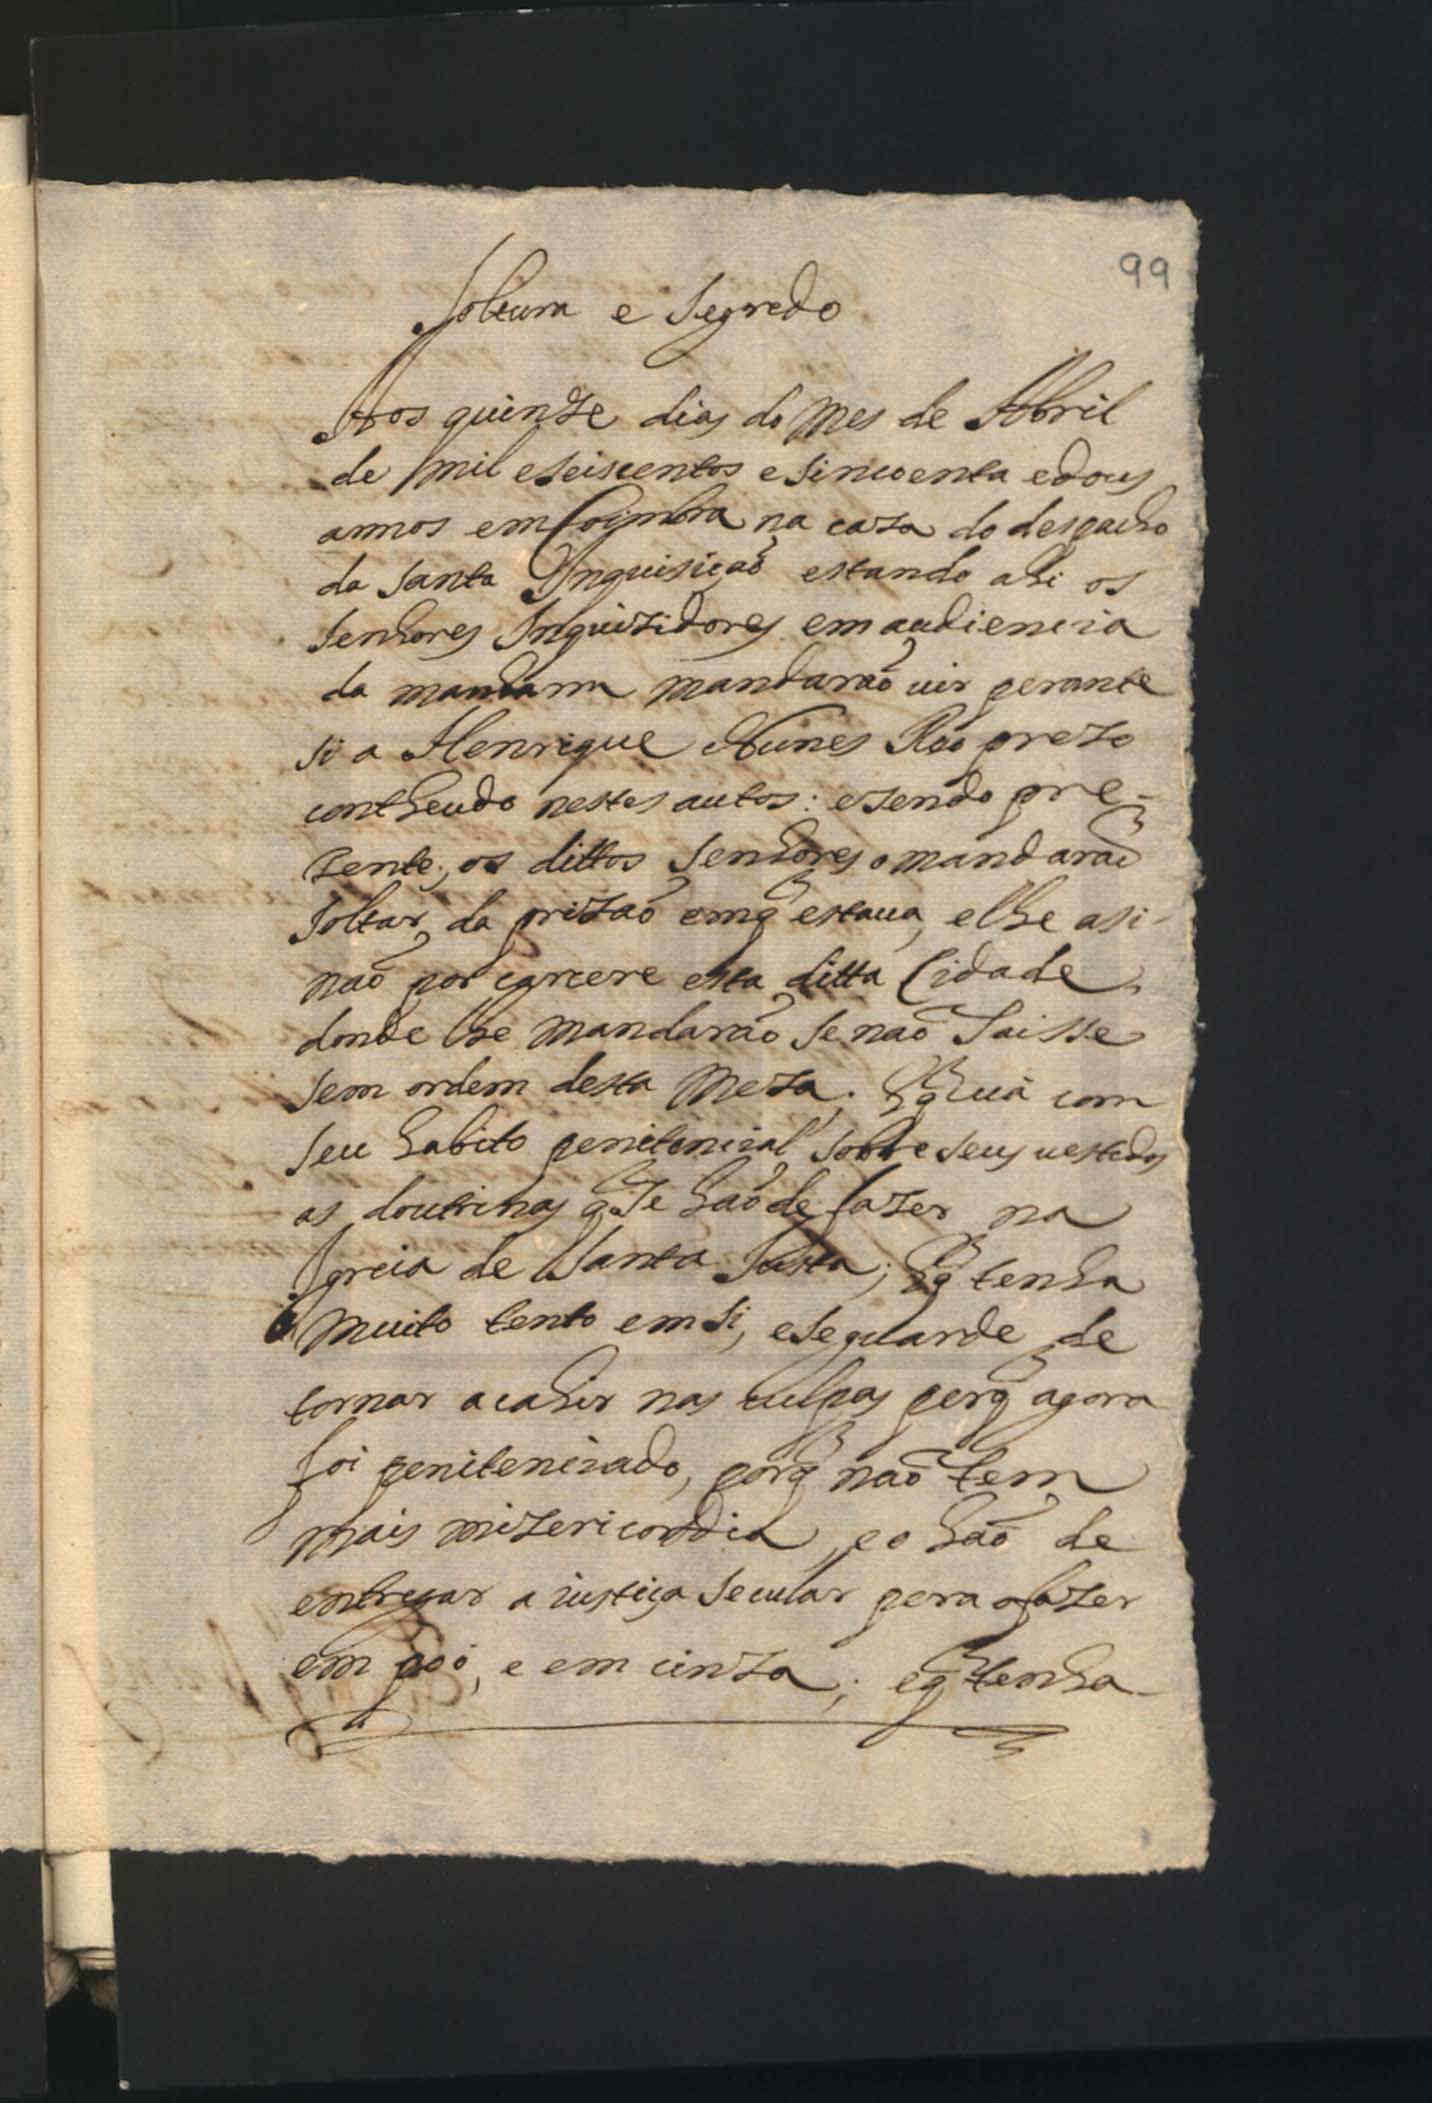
Soltura e Segredo
Aos quinze dias do mes de Abril
de mil e seiscentos e sincoenta e dous
annos em Coimbra na caza do despacho
da santa Inquisiçaõ estando ahi os
senhores Inquizidores em audiencia
da manham mandaraõ uir perante
si a Henrique Nunes Reo prezo
contheudo nestes autos: e sendo pre
zente, os dittos senhores o mandarão
soltar da prizaõ em q̄ estaua, e lhe asi
naõ por carcere esta ditta Cidade
donde lhe mandarão se naõ saisse
sem ordem desta meza. E q̄ uá com
seu habito penitencial sobre seus uestidos
as doutrinas q̄ se haõ de fazer na
Igreia de Santa Iusta; E q̄ tenha
muito tento em si, e se guarde de
tornar a cahir nas culpas per q̄ agora
foi penitenciado, porq̄ não tem
mais mizericordia, e o hão de
entregar a iustiça secular pera o fazer
em poo, e em cinza; e q̄ tenha
